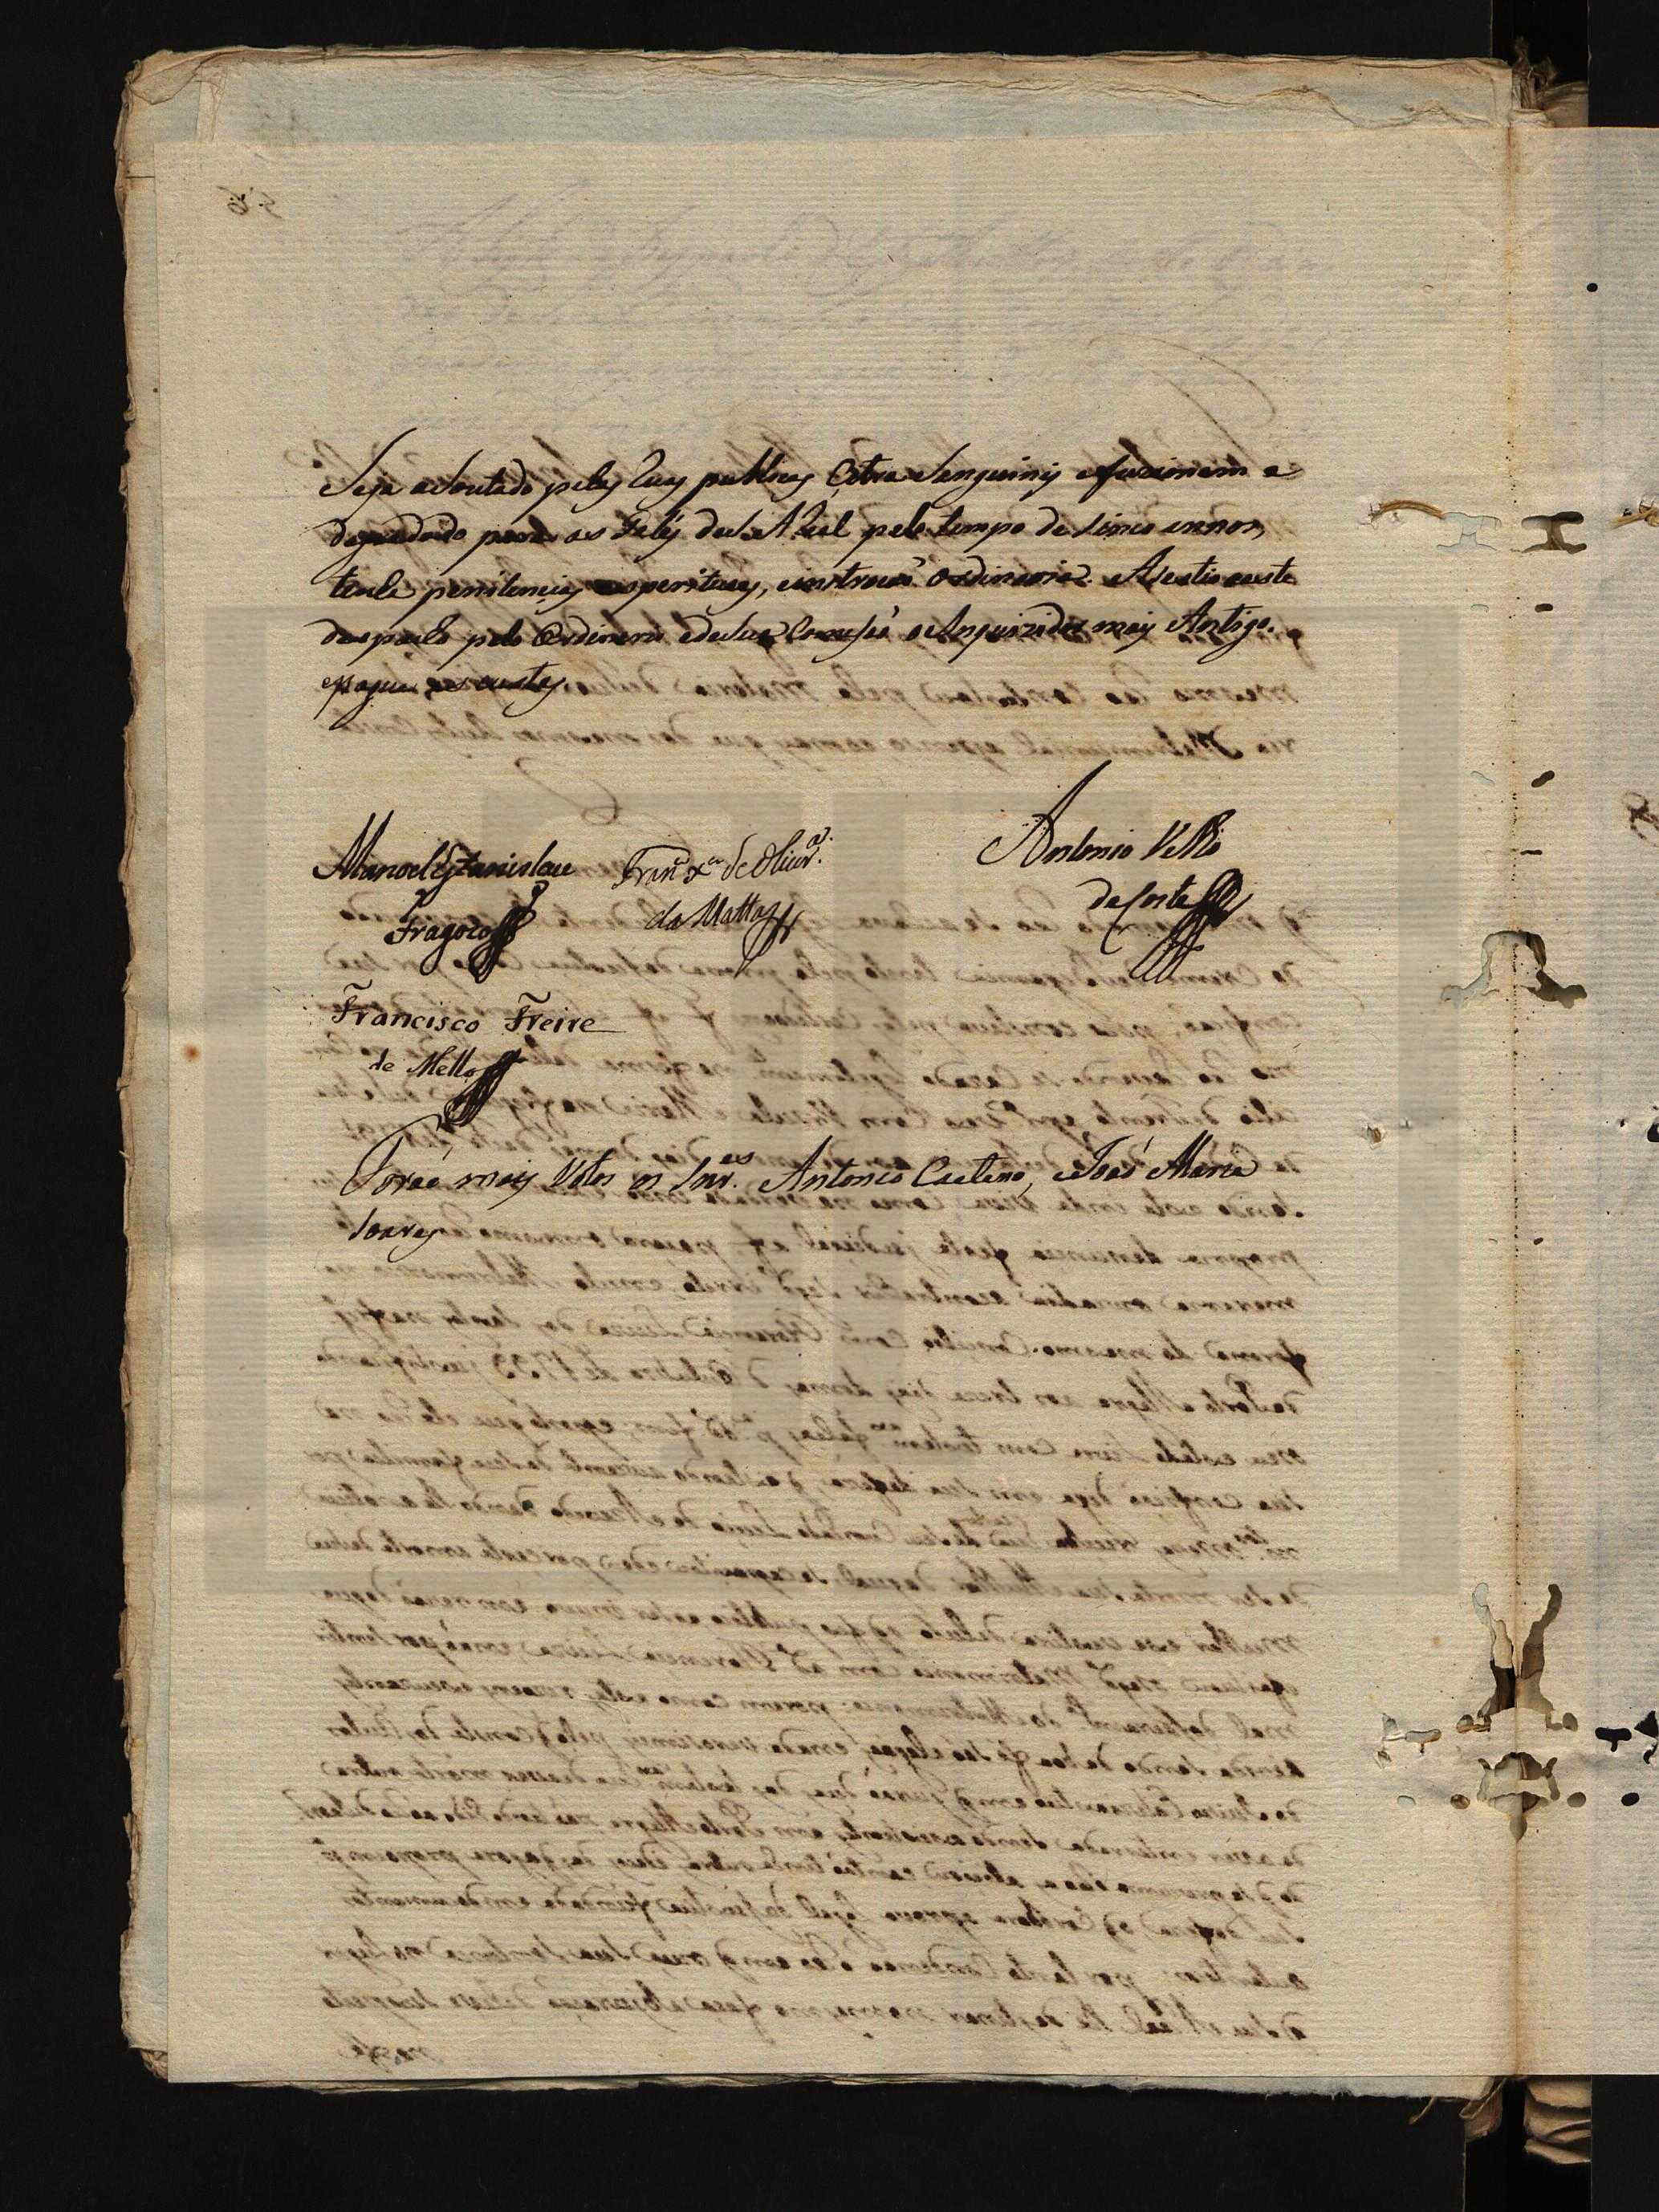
Seja asoutado pelas Ruas publicas Çitra Sanguinis efuzionem e
degradado para as Galés da S. A. Real pelo tempo de sinco annos,
tendo penitencias _sperituaes, e instroçaõ ordinaria. Asestio a este
despacho pelo Ordinario e da Sua Comisaõ o Inquizidor mais Antigo.
e pague as custas.
